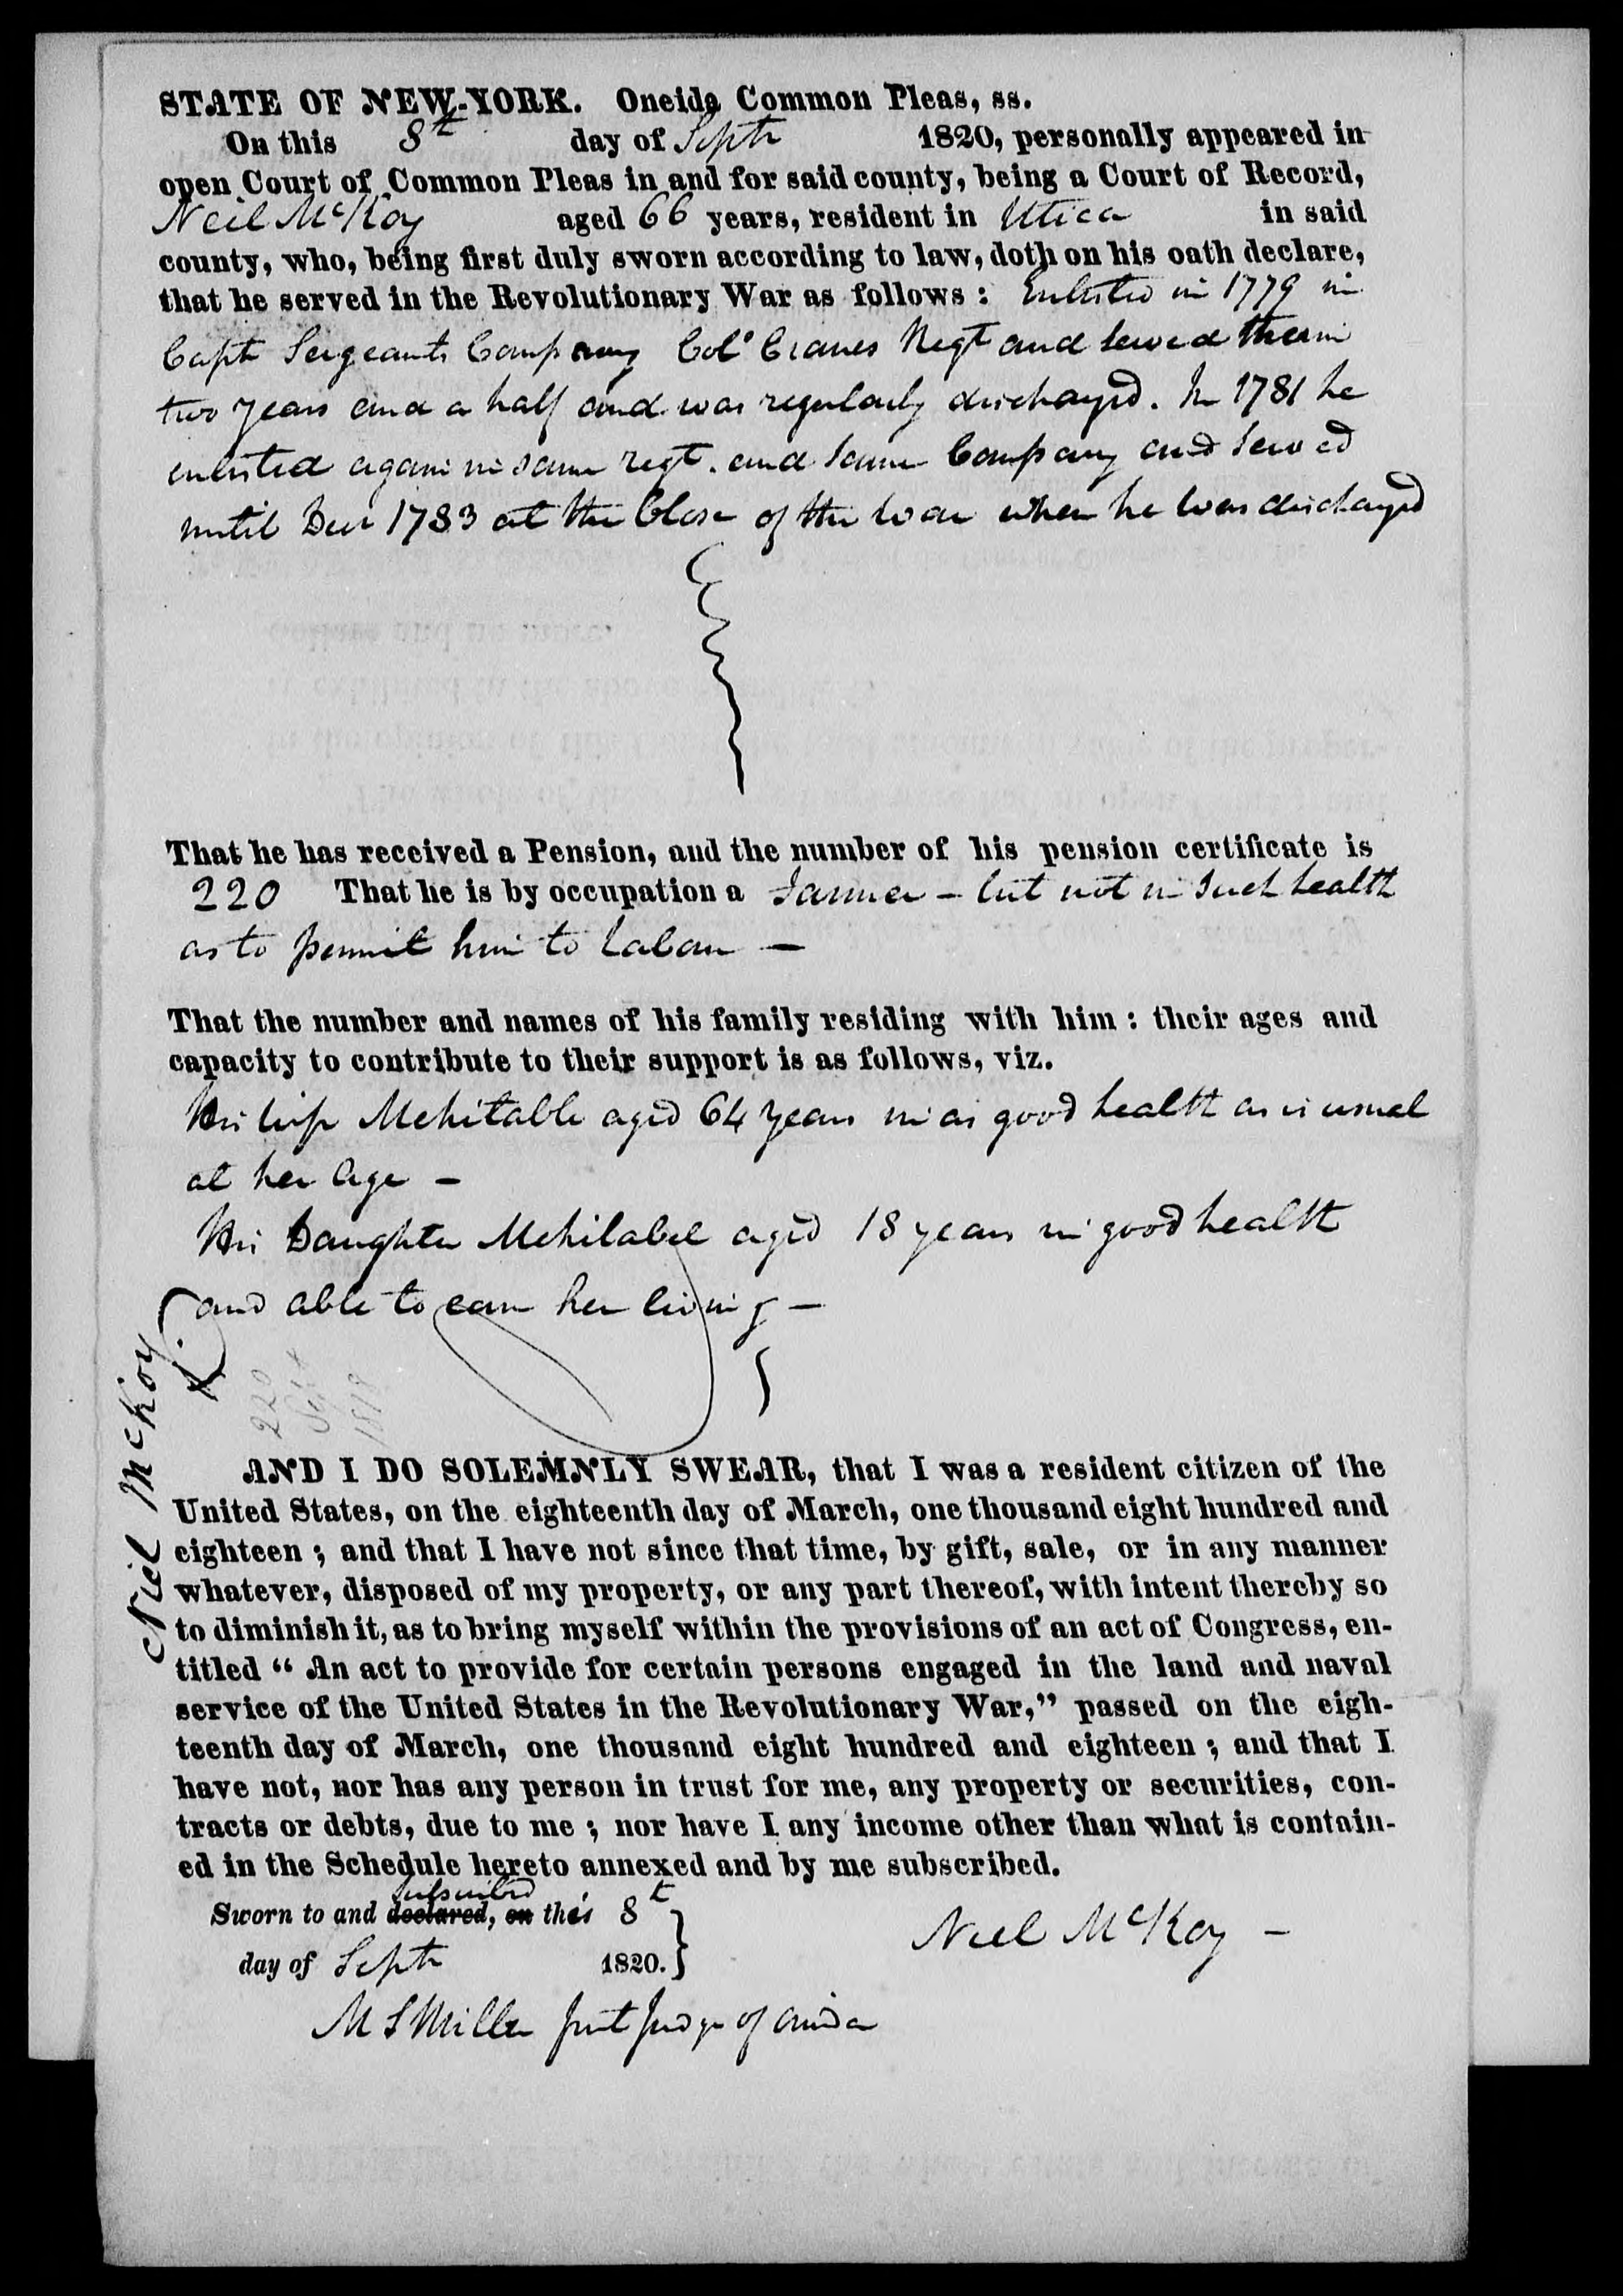State of New York, Oneida Common Please, ss,
On this 8th day of Sept 1820, personally appeared in open Court of Common Please is and for said county, being a Court of Record, Neil McKoy aged 66 years, resident of Utica in said county, who, being first duly sworn according to law, doth on his oath declare, that he served in the Revolutionary War as follows:
Enlisted in 1779 in Capt Sergeant Company Col Cranes Regt and served therein two years and a half and was regularly discharged.  In 1781 he enlisted again ? ? Regt and Seven Company and served until Dec 1783 at the close of the war when he was discharged
That he has received a Pension, and the number of his pension certificate is 220  That he is by occupation a farmer - but not in such health as to permit him to labor
That the number of names of his family residing with him : their ages and capacity to contribute to their support is as follows, viz.
His wife Mehitable aged 64 years in as good of health as is usual at her age 
His daughter Mehilabel aged 18 years in good health and able to earn her living
Neil McKoy 220 Sept 1818
And I Do Solemnly Swear, that I was a resident citizen of the United States, on the eighteenth day of March, one thousand eight hundred and eighteen; and that I have not since that time, by gift, sale, or in any manner whatever, disposed of my property, or any part thereof, with intent therby so to diminish it, as to bring myself within the provisions of an act of Congress, entitled "An act to provide for certain persons engaged in the land and naval service of the United States in the Revolutionary War," passed on the eighteenth day of March, one thousand eight hundred and eighteen; and that I have not, nor has any person in trust for me, any property or securities, contracts or debts, due to me; nor have I any income other than what is contained in the Schedule hereto annexed and by me subscribed.
Sworn and testified this 8th day of Sept 1820}
Niel McKoy
ML Miller first judge of Oneida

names: Mehitabel [BLANK]; M S Miller; Mehitable [BLANK]; Neil Mc Koy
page: 3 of 11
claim: survivor's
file: S. 42951, for Neil Mc Koy, Massachusetts